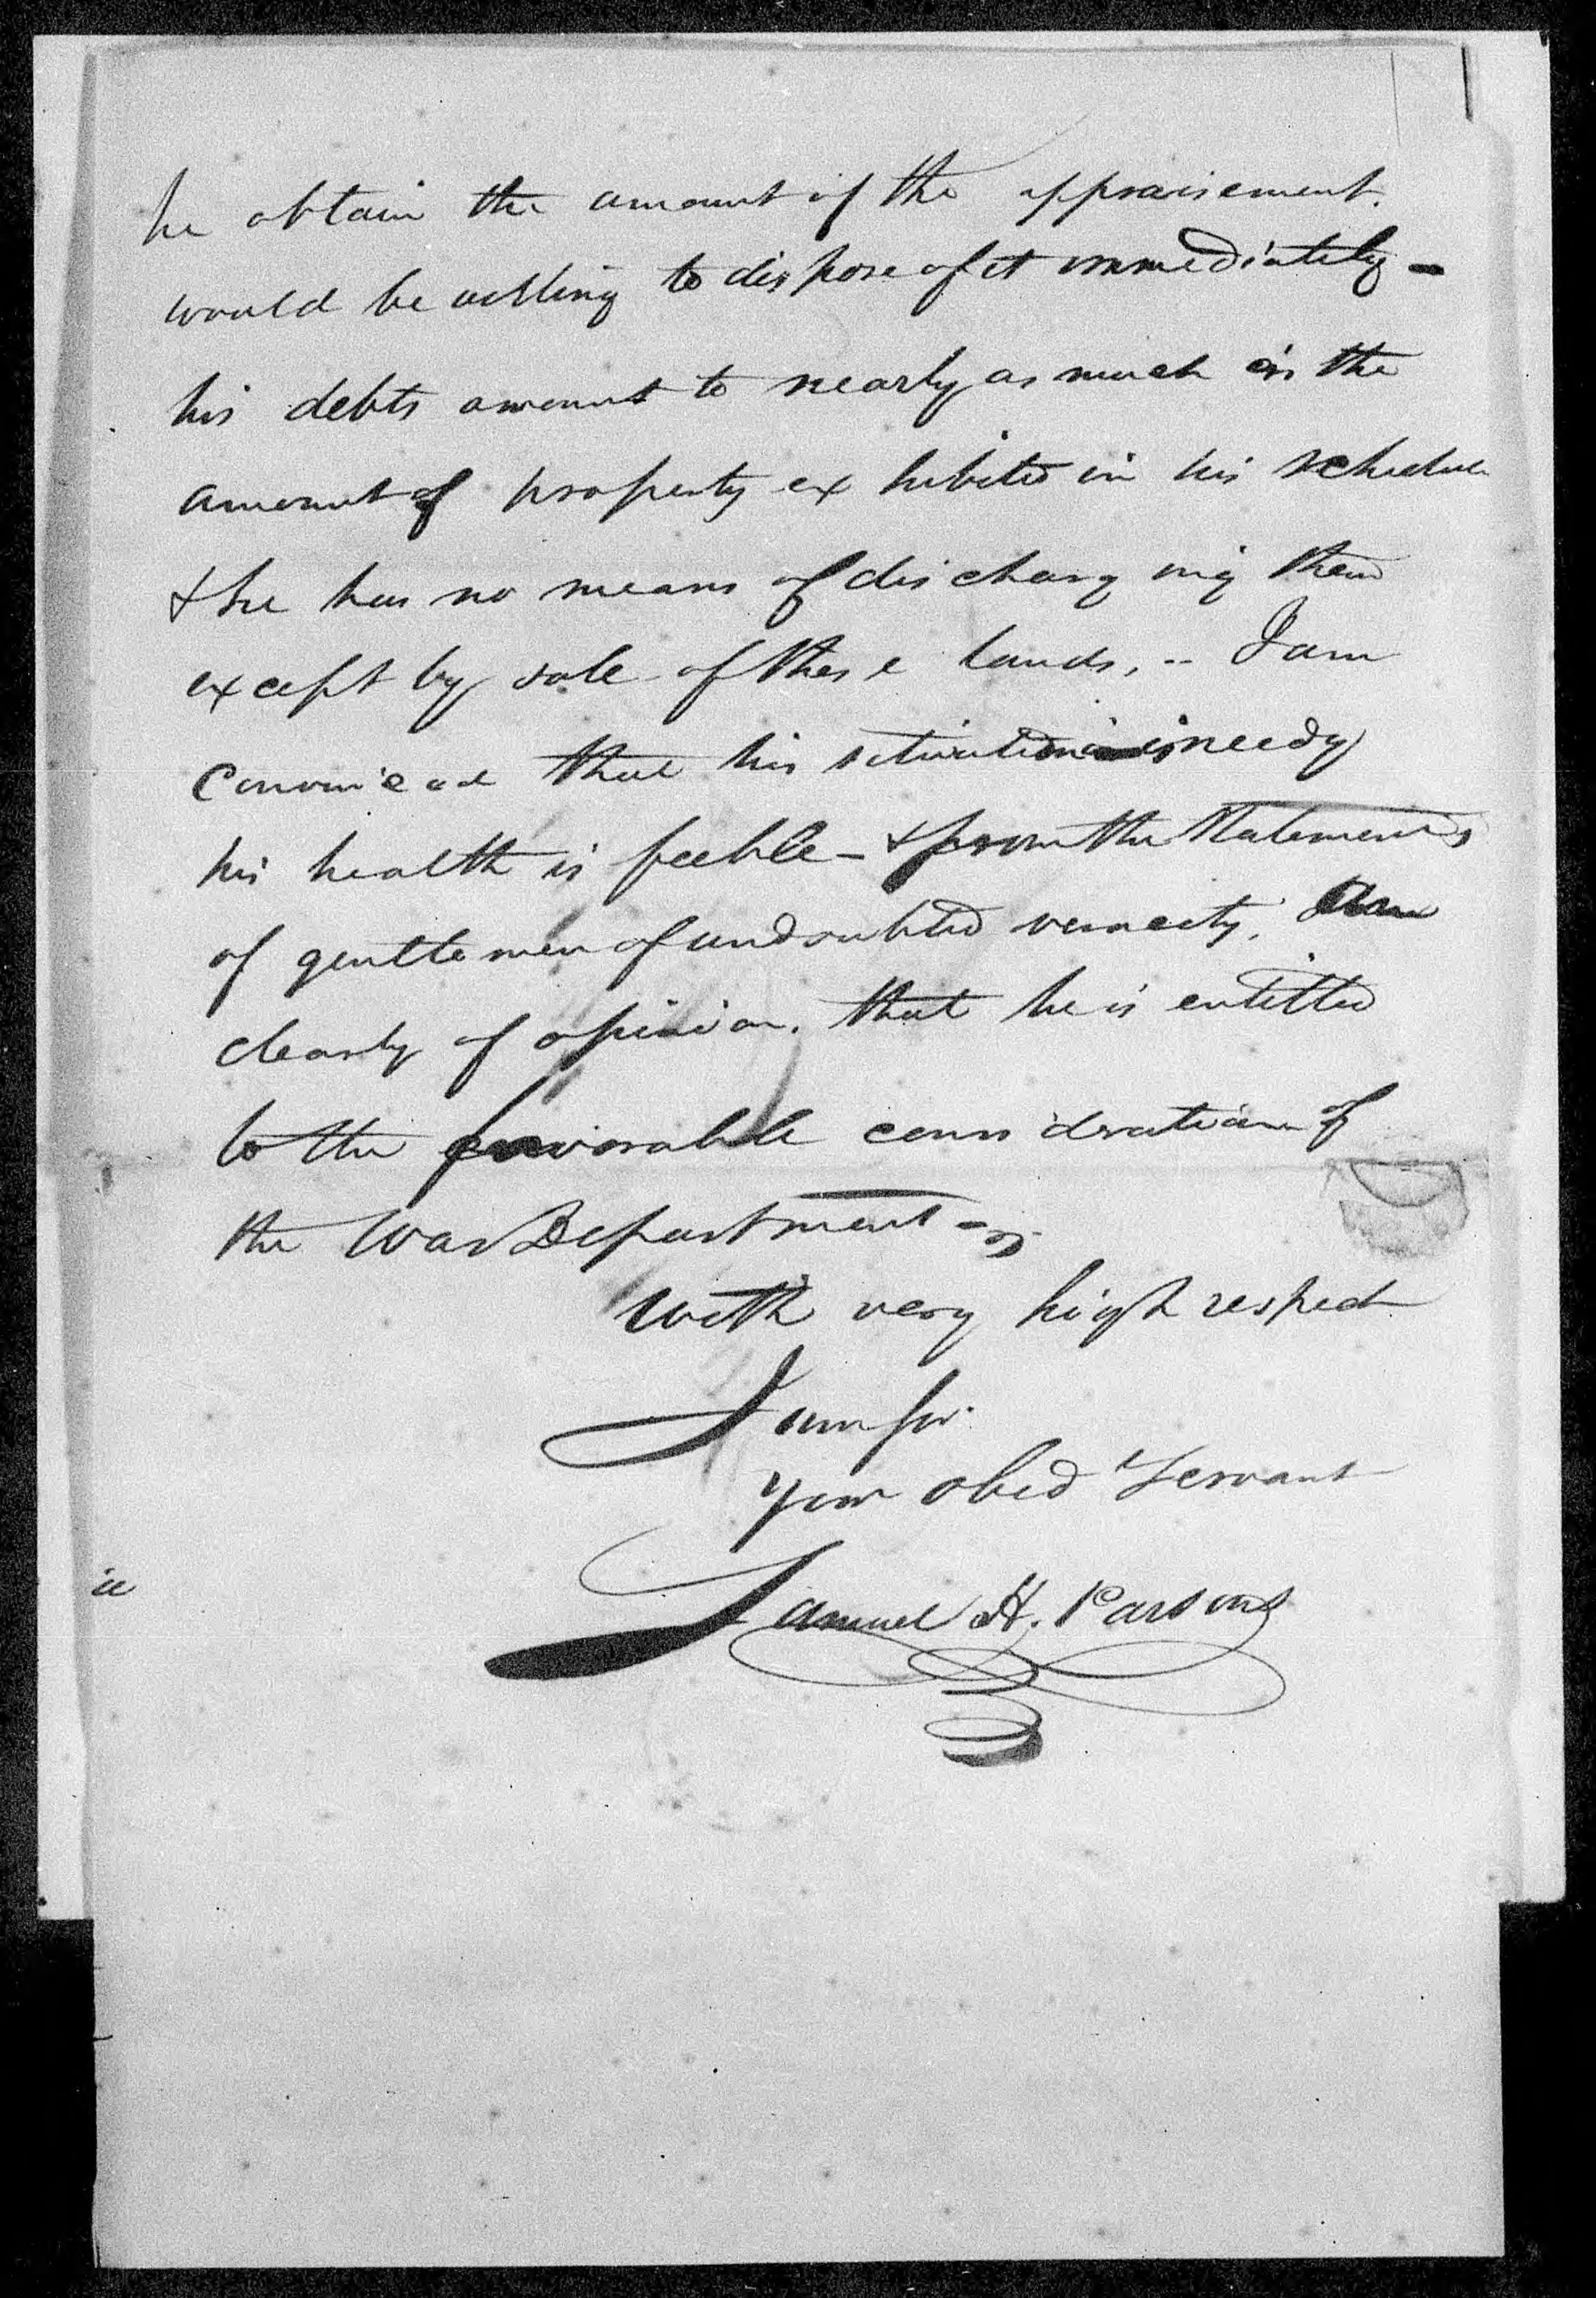he obtain the amount of the appraisement would be acting to dispose of it immediately.

His debts amount to nearly as much in the amount of property exhibited in his schedule & he has no means of discharging them except by sale of these lands.

I am convinced that his situation needs his feeble - from the statements of gentlemen of undoubted veracity, clearly of opinion that he is entitled to the favorable consideration of the War Department.

With very high respect
I am
Your Obed Servant
Samuel H. Parsons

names: Samuel H Parsons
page: 30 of 46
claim: survivor's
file: S. 36,556, Ichabod Goodrich, Conn.